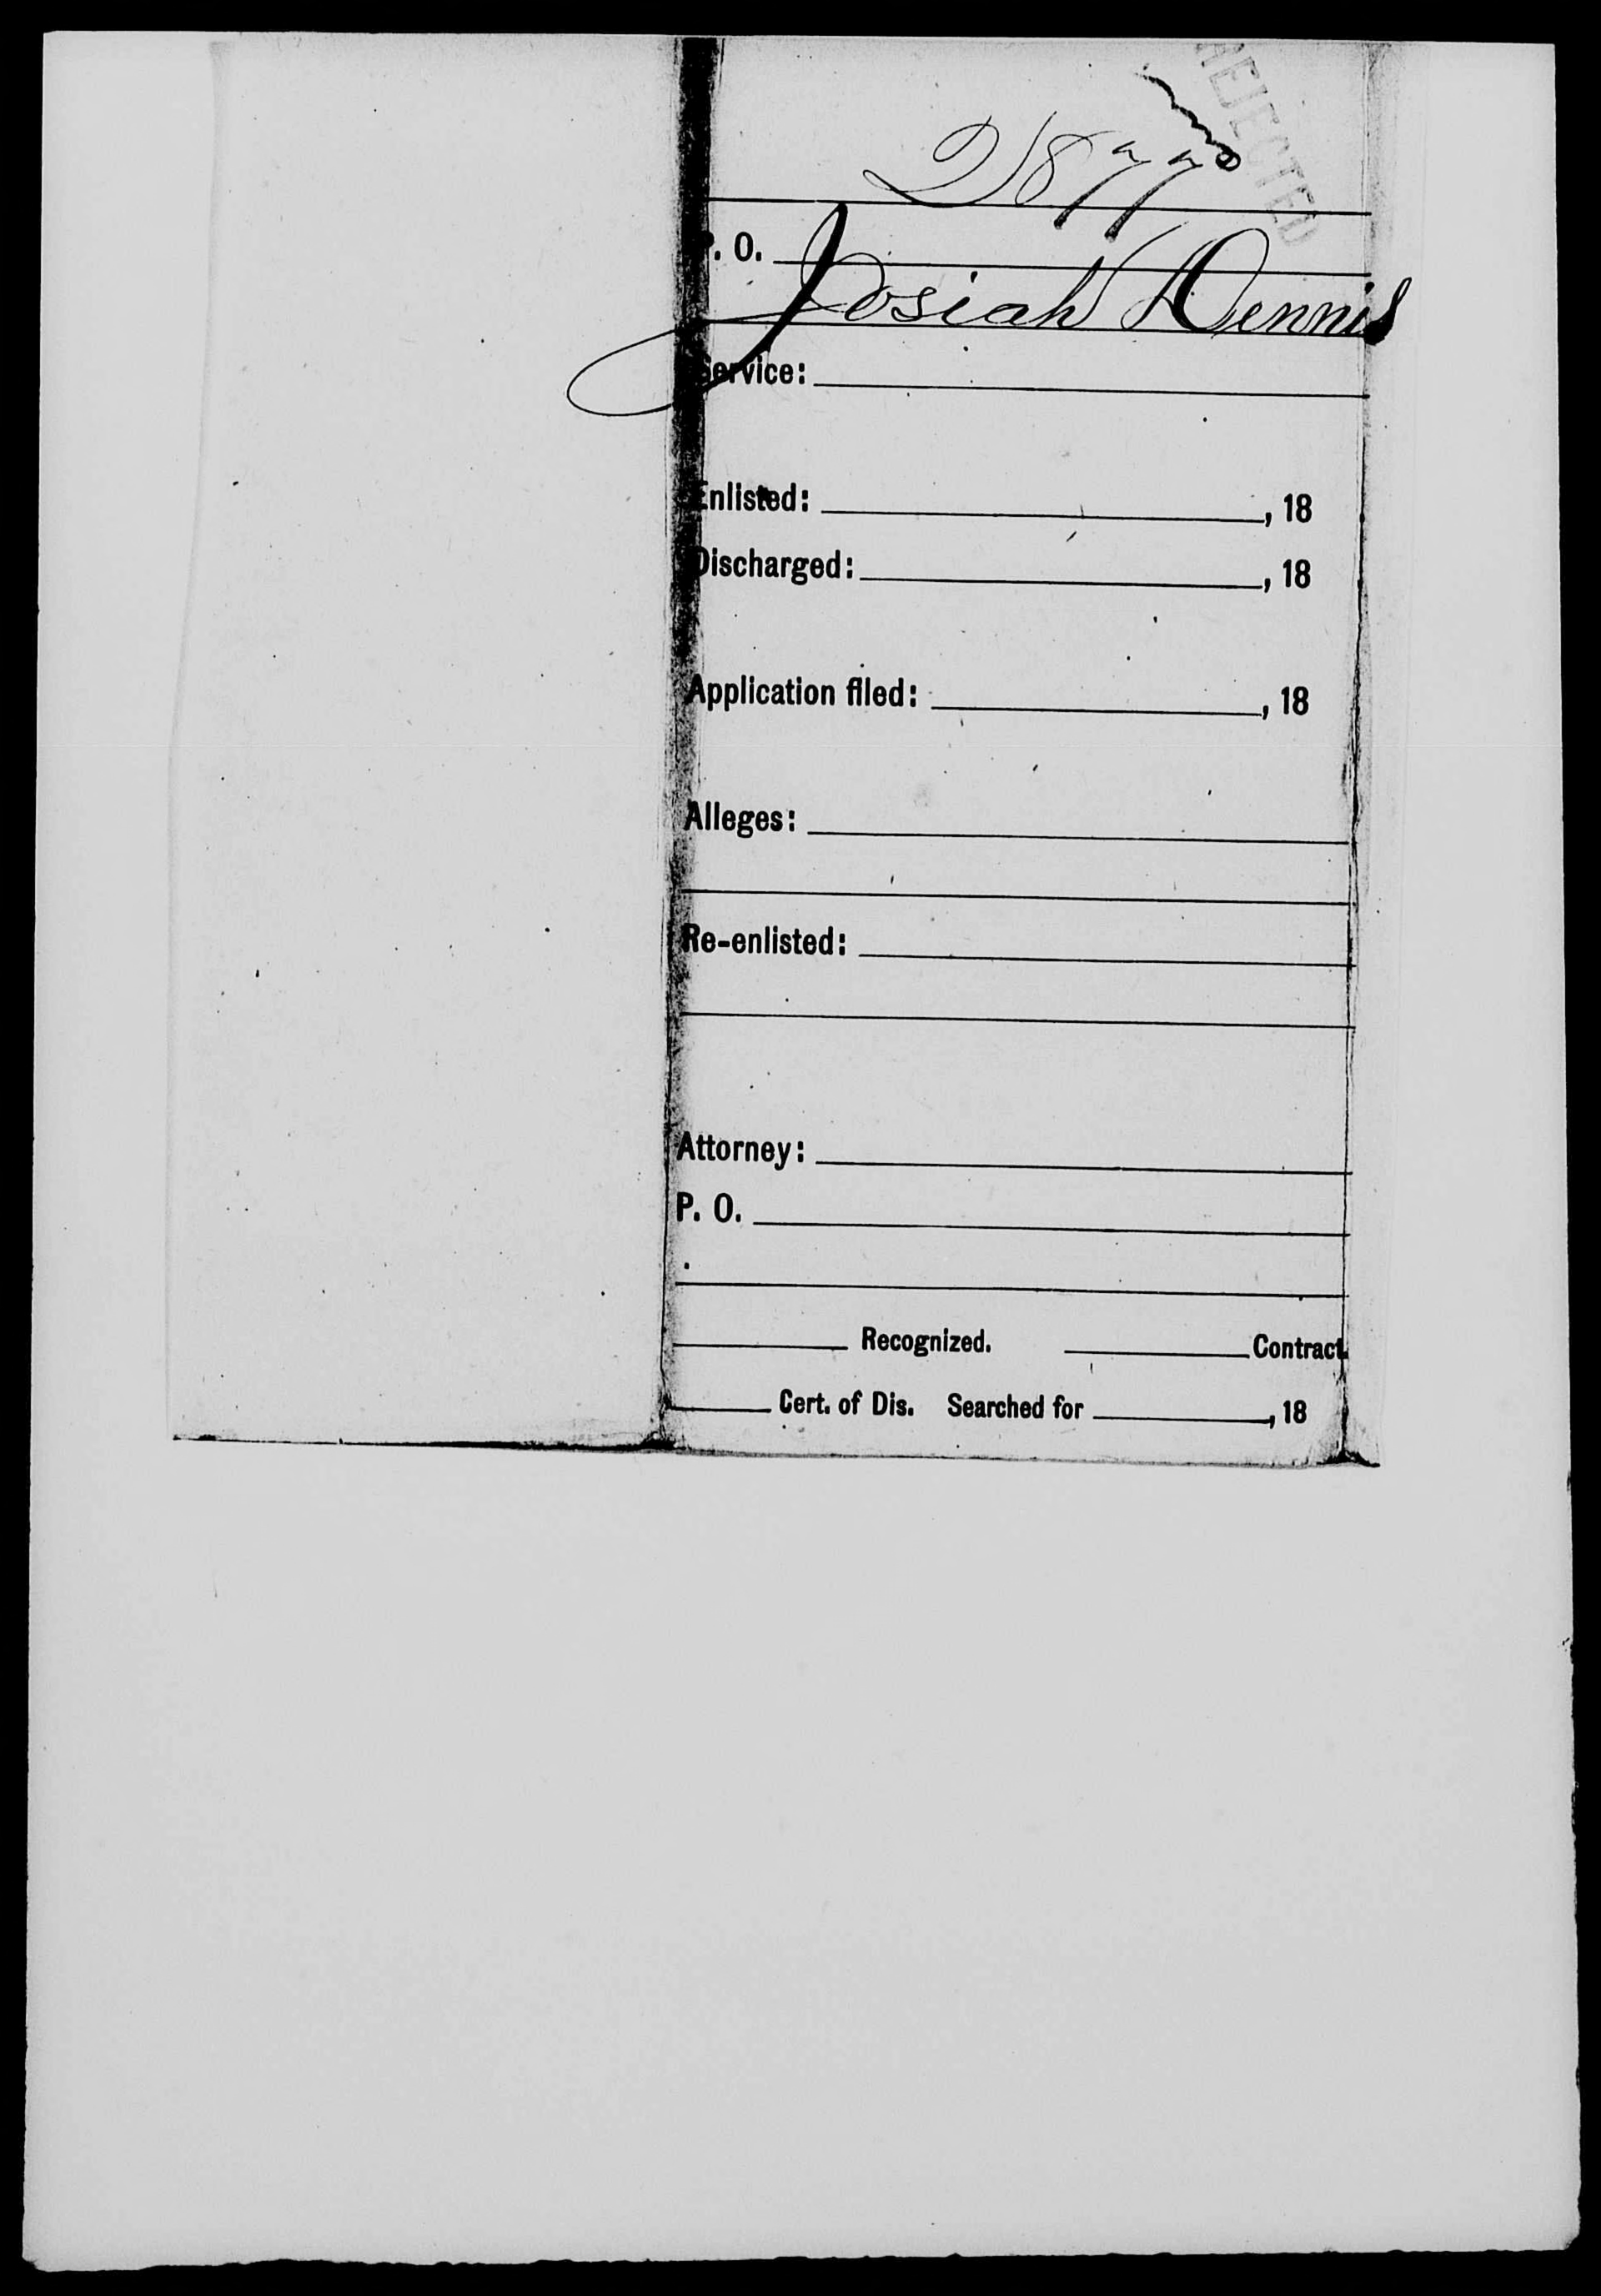[stamped imprint]  REJECTED

[mostly blank form]
P.O. __
Josiah Dennis
Service: __
Enlisted: ___  ,18
Discharged: ___ ,18
Application filed: __ ,18
Alleges: __
Re-enlisted: __
Attorney: __
P.O. __

___ Recognized.    __ Contract
___ Cert. of Dic.  Searched for __ ,18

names: Josiah Dennis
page: 13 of 14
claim: rejected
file: R. 2,877, Josiah Dennis, Md.